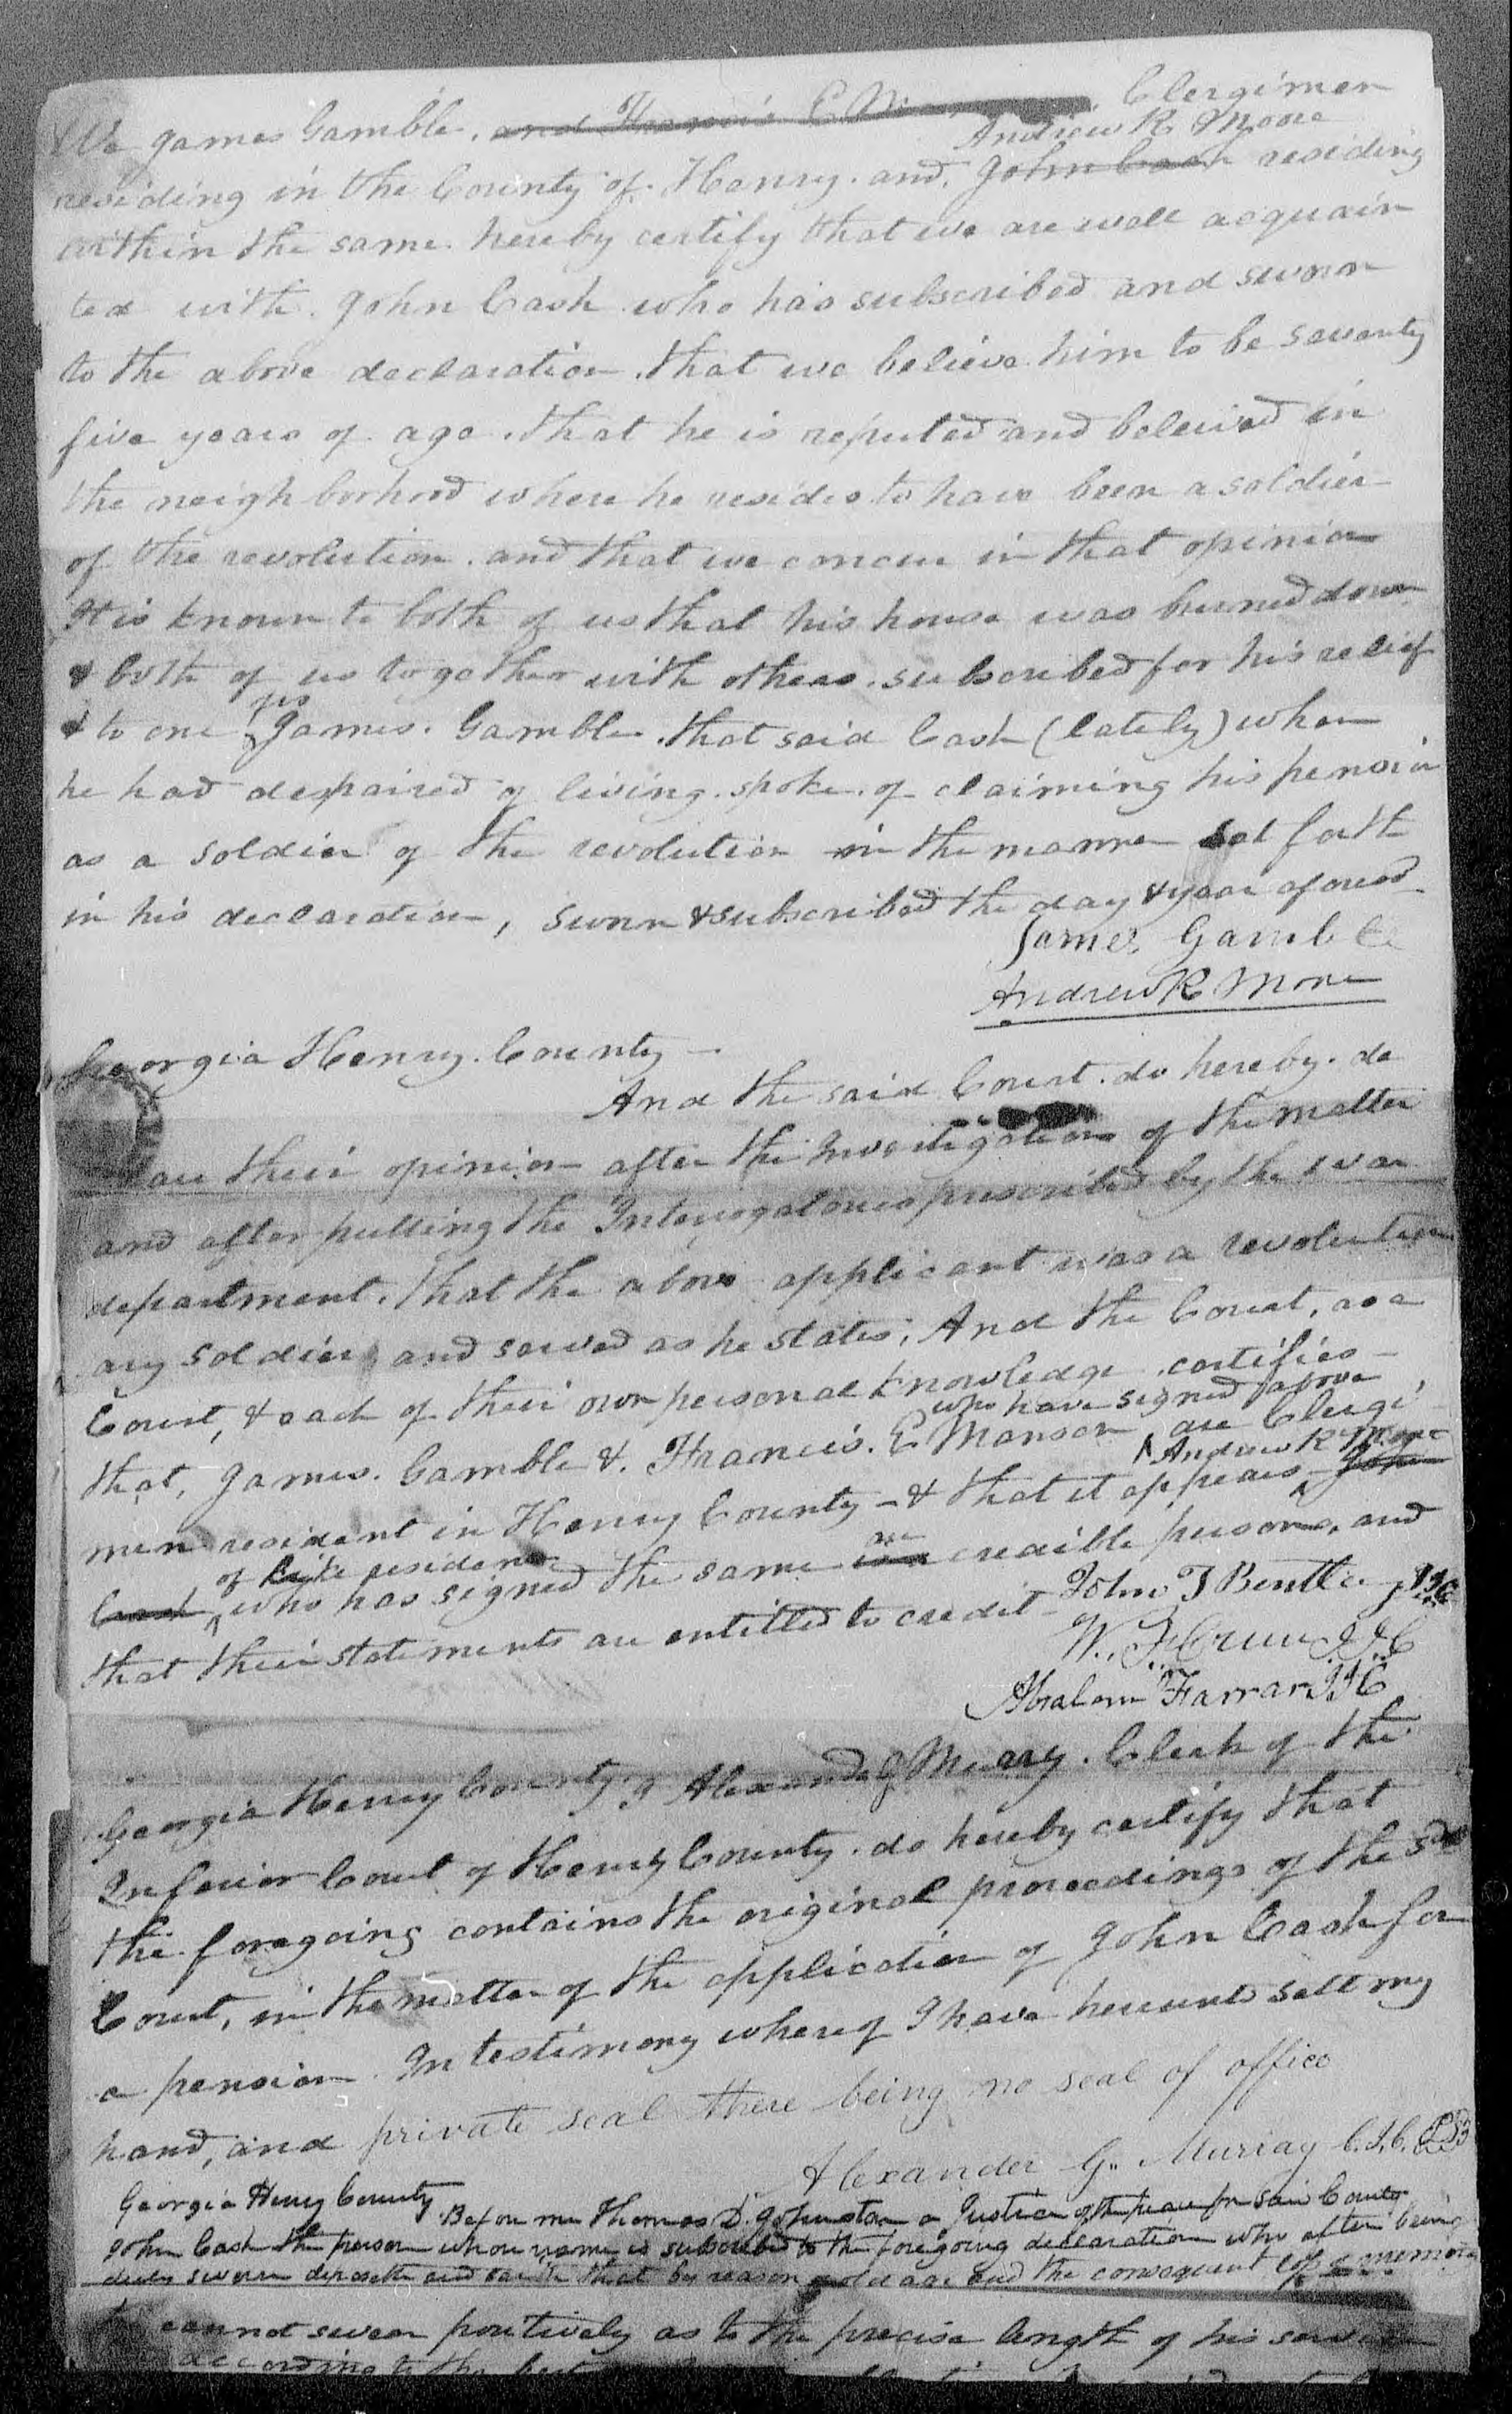We, James Gamble, Clergyman and Andrew R. Moore residing in the County of Henry and where John Cash has been residing within the same hereby certify that we are well acquainted with John Cash who has subscribed and sworn
to the above declaration that we believe him to be seventy-five years of age that he is reputed and believed in the neighborhood where he resides to have been a soldier of the revolution, and that we concur in that opinion.
It is known to both of us that his house was burned down both of us together with other subscribed for his relief to one James Gamble, that said Cash (lately, whom he had despaired of living) spoke of claiming his pension as a soldier of the revolution in the manner set forth.
In his declaration, Sworn & subscribed the day & year aforesaid.
James Gamble
Andrew More


Georgia Henry County
And the said Court do hereby pass on their opinion after the investigation of the matter
and after pulling the Interrogatories presented by the department., That the above applicant was a revolutionary soldier and served as he states. And the Court as who have signed above
Court, & each of their own personal knowledge certifies that James Gamble & Frances Manson are
both residents in Henry County, & that it appears
of like residence it came credible persons and
that their statements are entitled to credit.

 John T Bentley JP
W F Crew JP
Absalom Farrar JPC

I Alexander Murry, the County Clerk of the
Inferior Court of Henry County do hereby certify that the foregoing contains the original proceedings of the Court, in the matter of the application of John Cash for pension In testimony whereof I have hereunto set my hand, and private seal there being no seal of office.
Alexander G. Murray C.J.C.

Georgia Henry County 
Before me Thomas D. Johnston a Justice of the peace for said County John Cash the person whose name is subscribed to the foregoing declaration who after being duly sworn deposeth and saith that by reason old age and the consequent of such
cannot swear positively as to the precise length of his said service.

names: John Cash, Andrew R Moore, James Gamble, W F Crew, Thomas D Johnston, Francis E Manson, Absalom Farrar, Andrew R Moore, James Gamble, John Cash, Andrew R Moore, John T Bentley, John Cash, Cash, James Gamble, James Gamble, Alexander G Murray, Francis E, Alexander G Murry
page: 7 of 73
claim: widow's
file: W. 5,894, John Cash, Va.